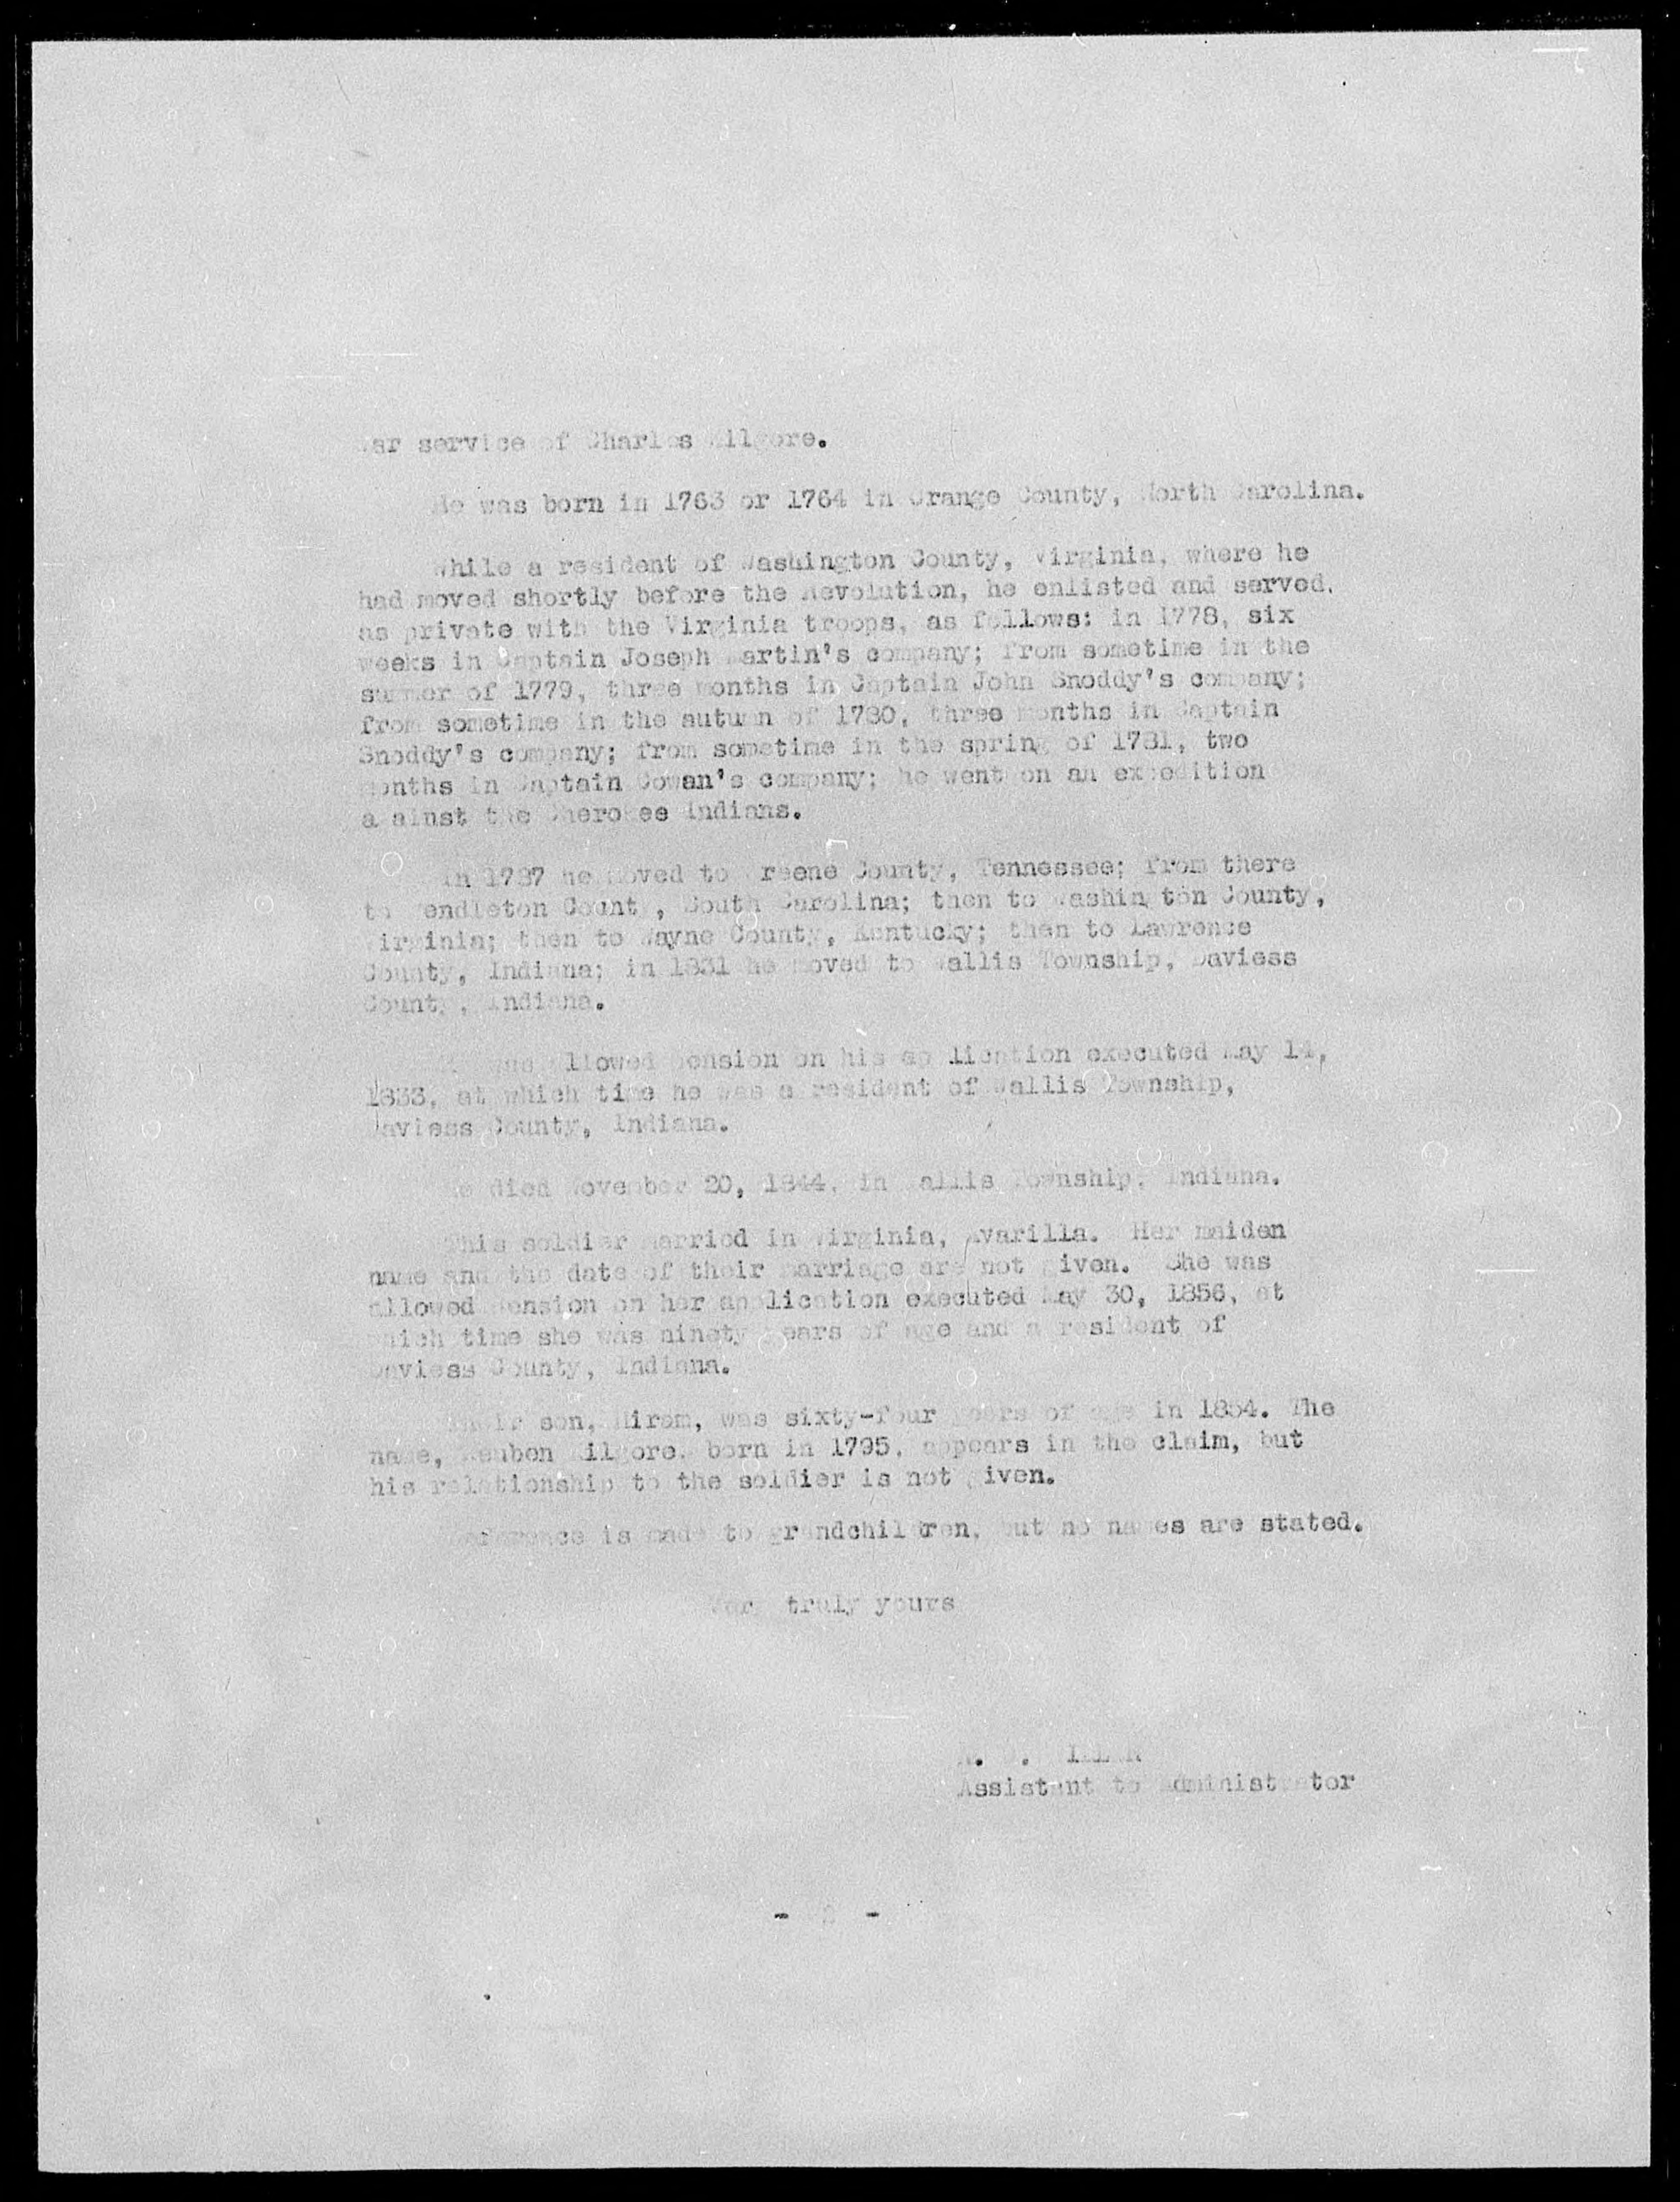War service of Charles Kilgore.
He was born in 1763 or 1764 in Orange County, North Carolina.
While a resident of Washington County, Virginia, where he had moved shortly before the Revolution, he enlisted and served as private with the Virginia troops, as follows: in 1778, six weeks in Captain Joseph Martin's company; from sometime in the summer of 1779, three months in Captain John Snoddy's company; from sometime in the autumn of 1780, three months in Captain Snoddy's company; from sometime in the spring of 1781, two months in Captain Cowan's company; he went on an expedition against the Cherokee Indians.
1737 he moved to Greene County, Tennessee; from there to Pendleton County, South Carolina; then to Washington County, Virginia; then to Wayne County, Kentucky; then to Lawrence County, Indiana; in 1831 he moved to Wallis Township, Daviess County, Indiana.
He was allowed pension on his application executed May 14, 1833, at which time he was a resident of Wallis Township, Daviess County, Indiana.
He died November 20, 1844, in Wallis Township, Indiana.
This soldier married in Virginia, Avarilla. Her maiden name and the date of their marriage are not given. She was allowed pension on her application executed May 30, 1856, at with time she was ninety years of age and a resident of Daviess County, Indiana.
Their son, Hiram, was sixty-four years of age in 1854. The name, Reuben Kilgore, born in 1795, appears in the claim, but his relationship to the soldier is not given.
Reference is made to grandchildren, but no names are stated.
Very truly yours
A. D. HILLER
Assistant to administrator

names: Avarilla [BLANK]; A D Hiller; Hiram [BLANK]; Charles Kilgore; Reuben Kilgore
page: 115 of 115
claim: survivor's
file: S. 699, for Charles Kilgore, Virginia